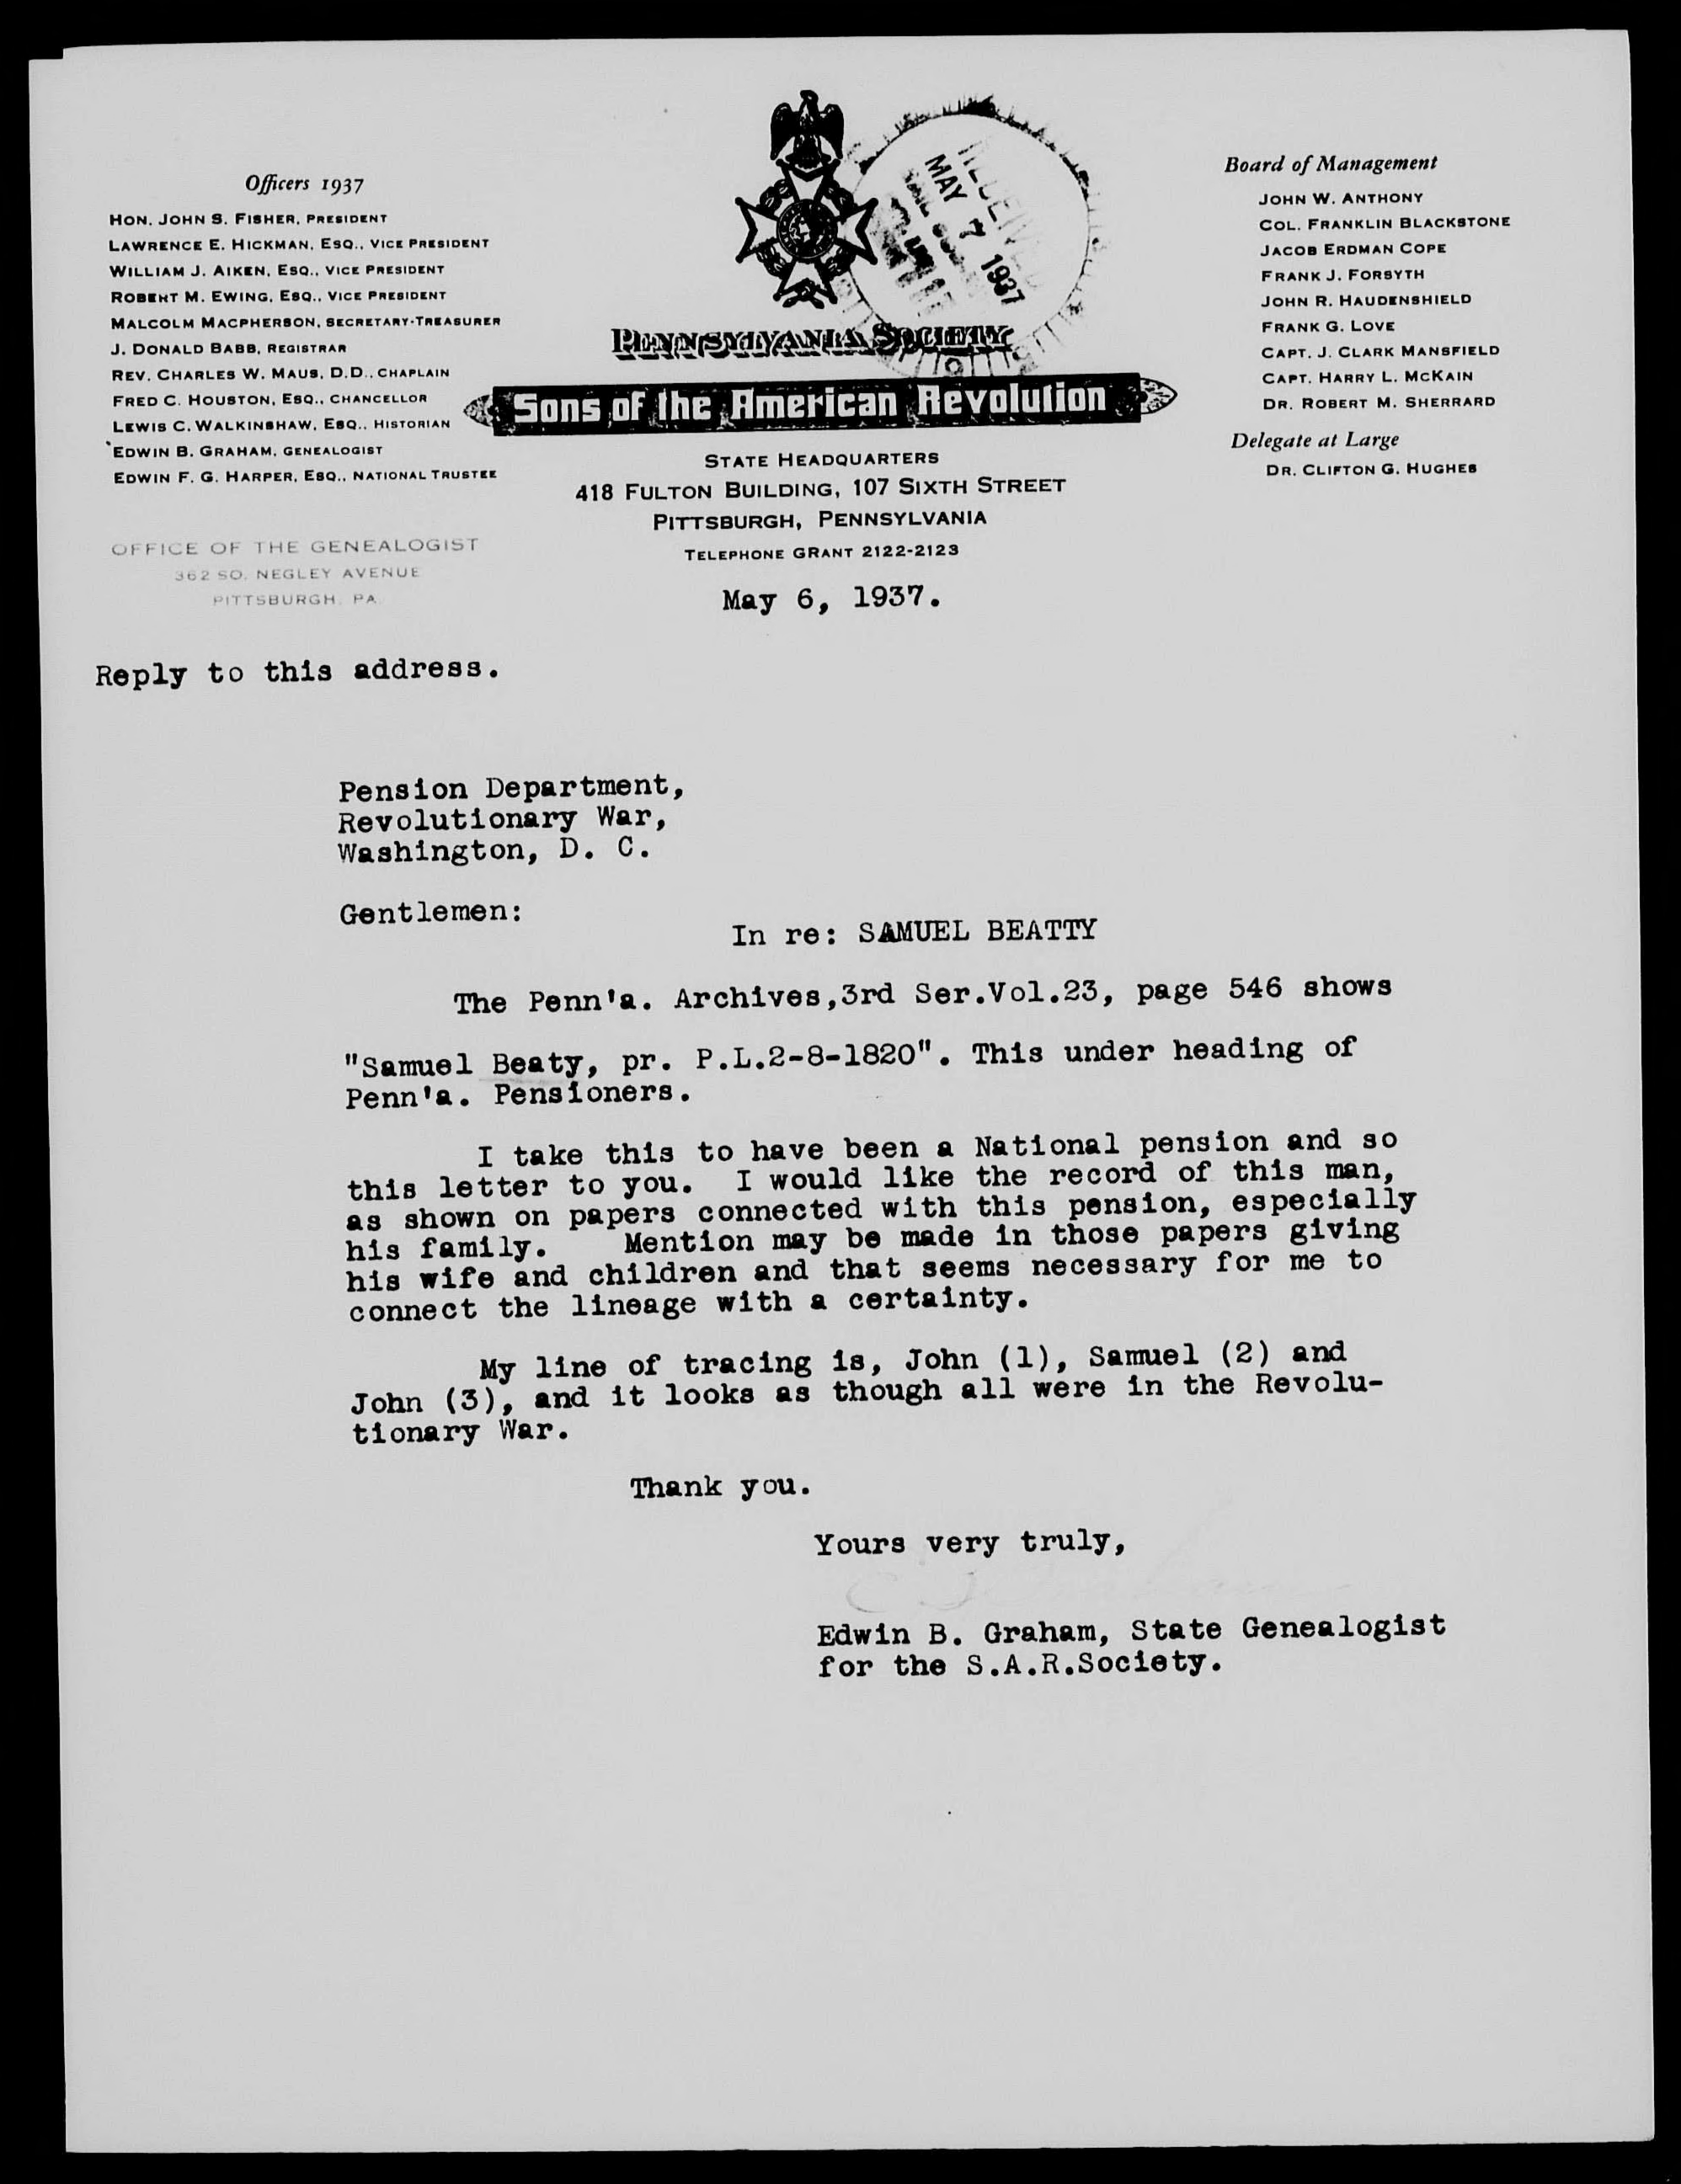[stamped
RECEIVED
MAY 7 1937
MAIL SUB-DIV
[unintelligible]]

PENNSYLVANIA SOCIETY
SONS OF THE AMERICAN REVOLUTION
State Headquarters
418 Fulton Building, 107 Sixth Street
Pittsburgh, Pennsylvania
Telephone Grant 2122-2123
May 6, 1937.

Officers 1937
Hon. John S. Fisher. President
Lawrence E. Hickman, Esq., Vice President
William J. Aiken, Esq., Vice President
Robert M. Ewing,  Esq., Vice President
Malcolm Macpherson, Secretary-Treasurer
J. Donald Babb, Registrar
Rev. Charles W. Maus, D.D., Chaplin
Fred C. Houston, Esq., Chancellor
Lewis C. Walkinshaw, Esq., Historian
Edwin B. Graham, Genealogist
Edwin F. G. Harper, Esq., National Trustee

Board of Management
John W. Anthony
Col. Franklin Blackstone
Jacob Erdman Cope
Frank J. Forsyth
John R. Haudenshield
Frank G. Love
Capt. J. Clark Mansfield
Capt. Harry L. McKain
Dr. Robert M. Sherrard

Delegate at Large
Dr. Clifton G. Hughes

OFFICE OF THE GENEAOLOGIST
362 SO. NEGLEY AVENUE
PITTSBURGH, PA

Reply to this address.

Pension Department,
Revolutionary War,
Washington, D. C.

Gentlemen:
In re: SAMUEL BEATTY
The Penn'a. Archives, 3rd Ser.Vol.23, page 546 shows
"Samuel Beaty, pr. P.L.2-8-1820". This under heading of Penn'a. Pensioners.
I take this to have been a National pension and so this letter to you. I would like to record of this man, as shown on papers connected with this pension, especially his family. Mention may be made in those papers giving his wife and children and that seems necessary for me to connect the lineage with a certainty.
My line of tracing is, John (1), Samuel (2) and John (3), and it looks as though all were in the Revolutionary War.

Thank you.

Yours very truly,

Edwin B. Graham, State Genealogist
for the S.A.R.Society.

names: Fred C Houston, Edwin F Harper, John, E B Graham, Samuel, John S Fisher, Frank J Forsyth, Robert M Sherrard, J Clark Mansfield, Samuel Beatty, Robert M Ewing, Lawrence E Hickman, Jacob Erdman Cope, Clifton G Hughes, Edwin B Graham, Frank G Love, John W Anthony, Edwin B Graham, John, Lewis C Walkinshaw, Harry L Mc Kain, William J Aiken, Samuel Beaty, Donald Babb, Malcolm Macpherson, John R Haudenshield, Franklin Blackstone, Charles W Maus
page: 28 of 31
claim: survivor's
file: S. 34646, Samuel Beaty, Penn.